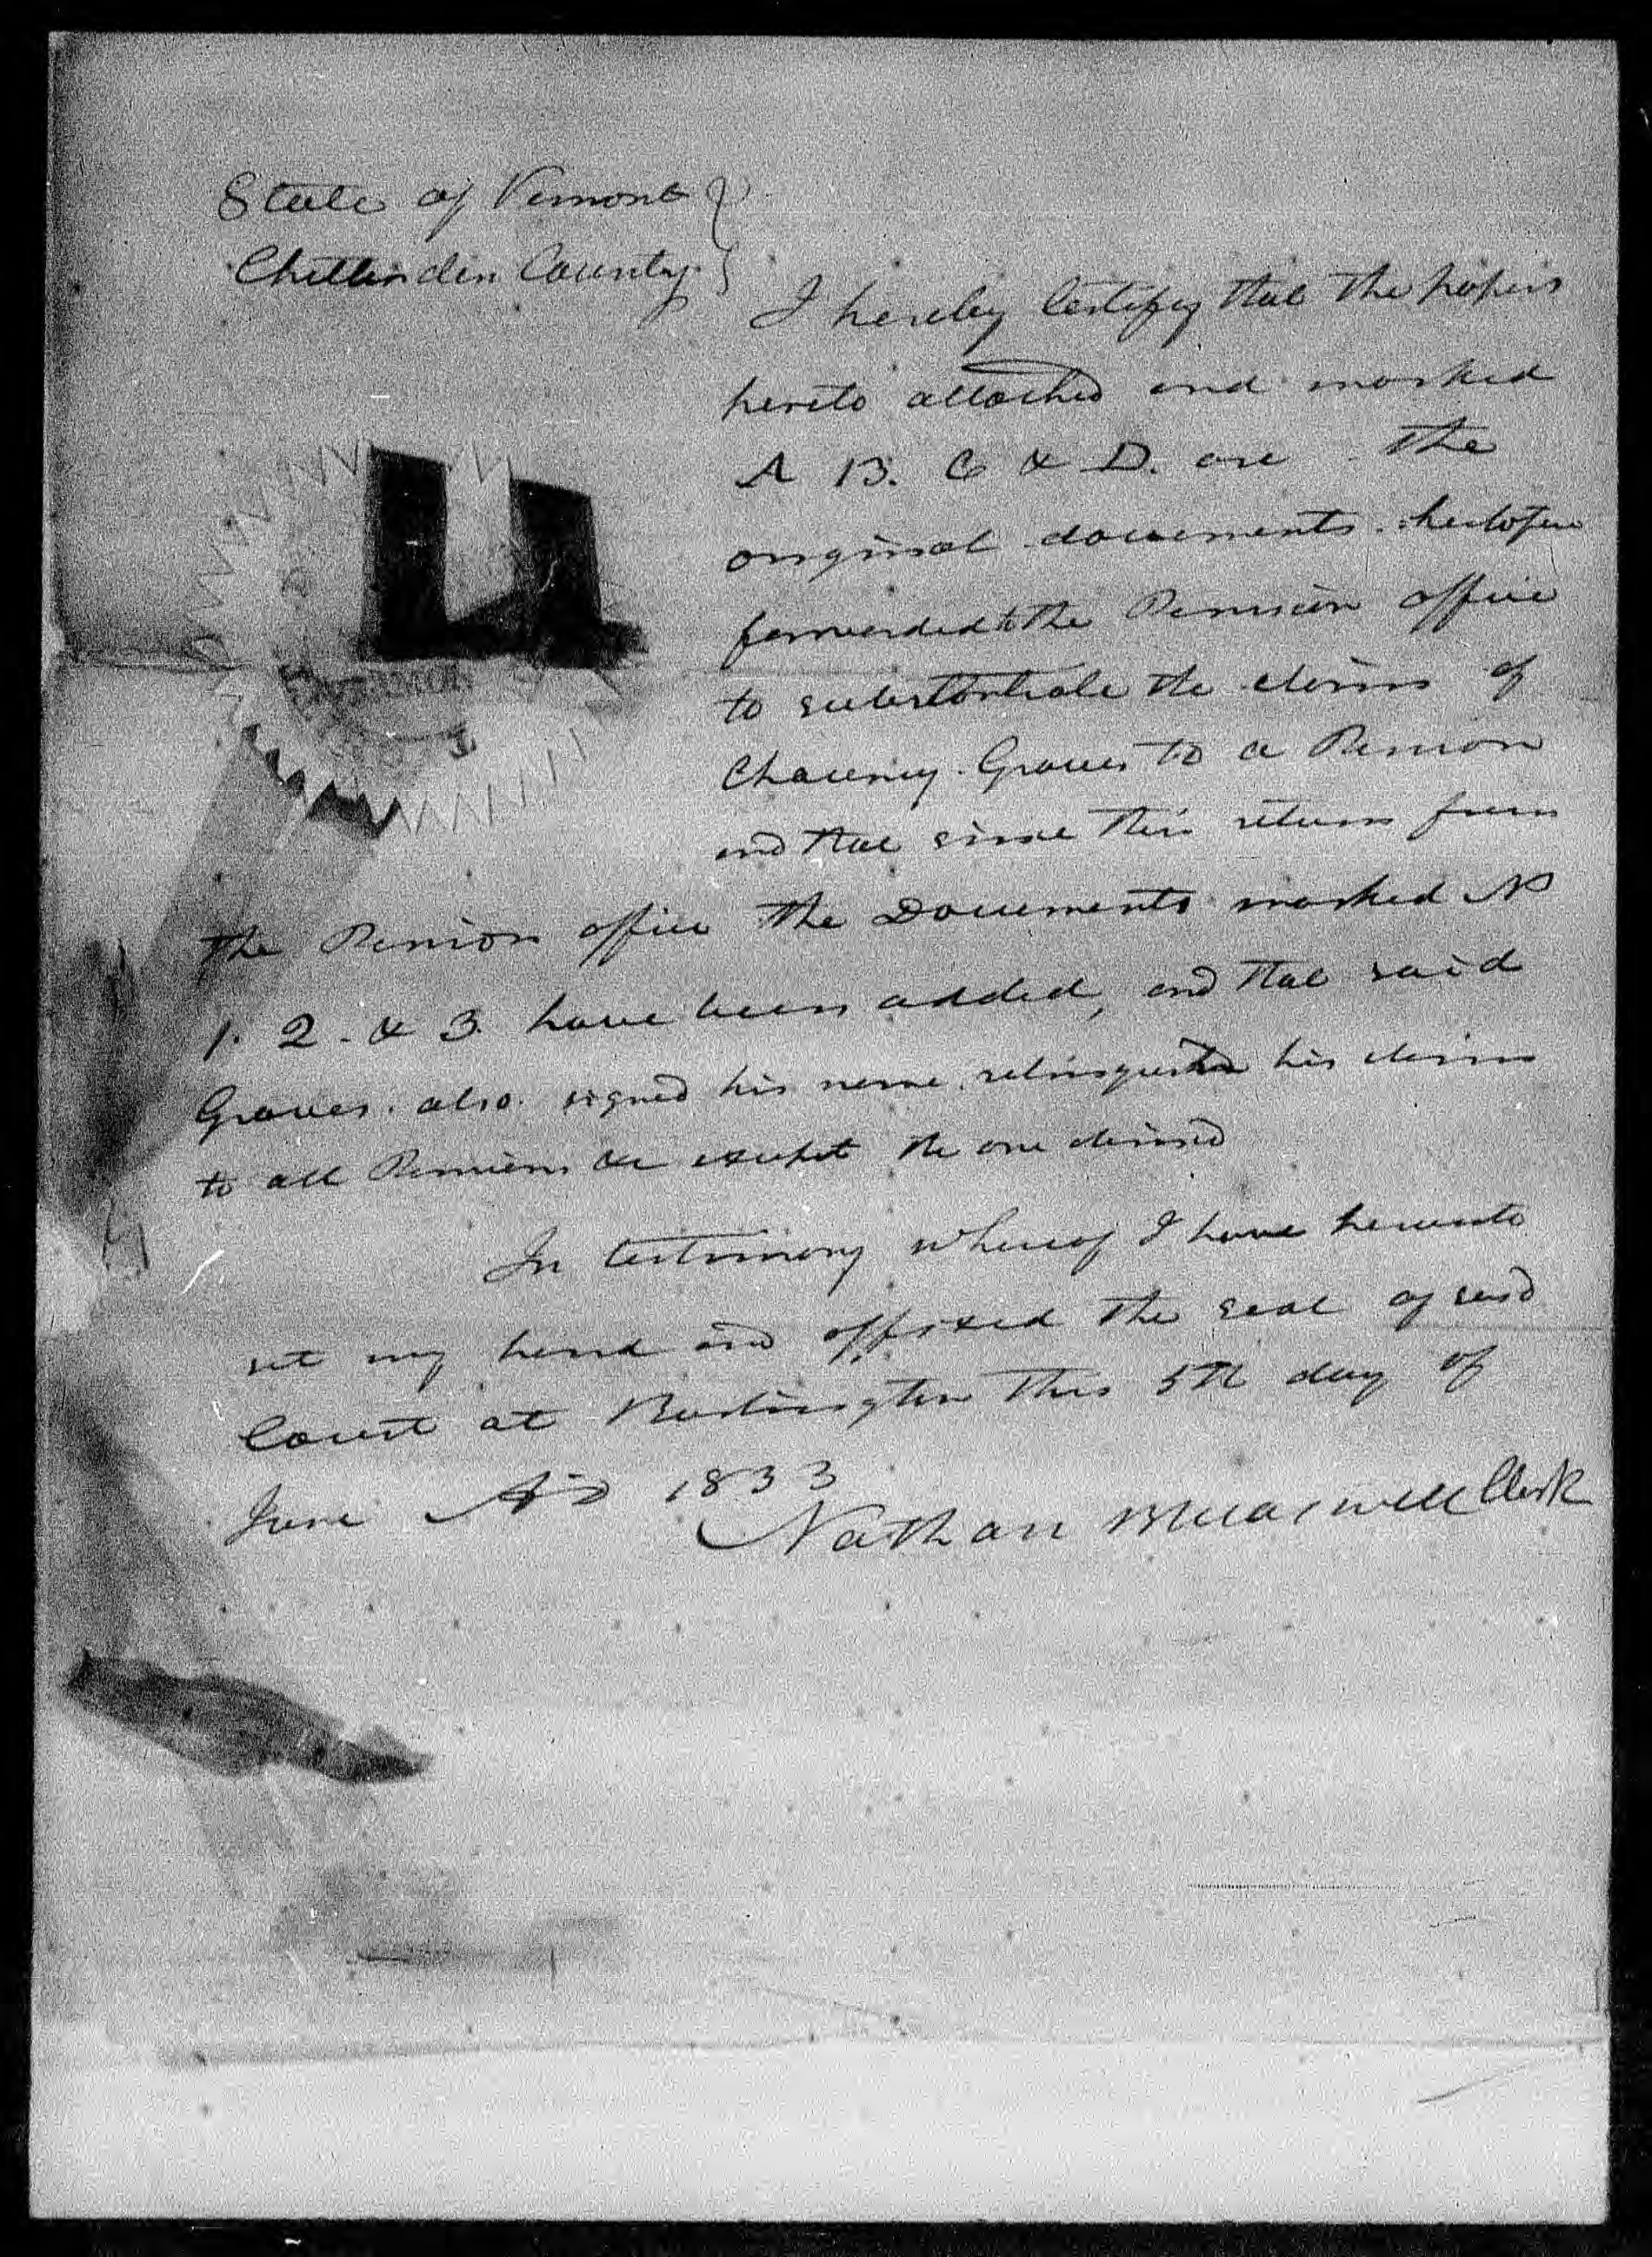State of Vermont
Chittenden County
I hereby certify that the papers
hereto attached and marked
A B. C and D. are
the
original documents heretofore
forwarded to the Pension Office
to substantiate the claim of
Chauncy Graves to a pension
and that since their return from
the Pension office the Documents marked Number
1. 2. And 3. have been added, and that said
Graves also signed his name relinquished his claim
to all pensions, etc. except the one claimed.
In testimony whereof I have hereunto
set my hand and affixed the seal of said
Court at Burlington this 5th day of
June AD 1833
Nathan B Maswell Clerk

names: Graves, Nathan B Maswell, Chauncy Graves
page: 19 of 24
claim: survivor's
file: S. 15869, Chauncey Graves, Vt.